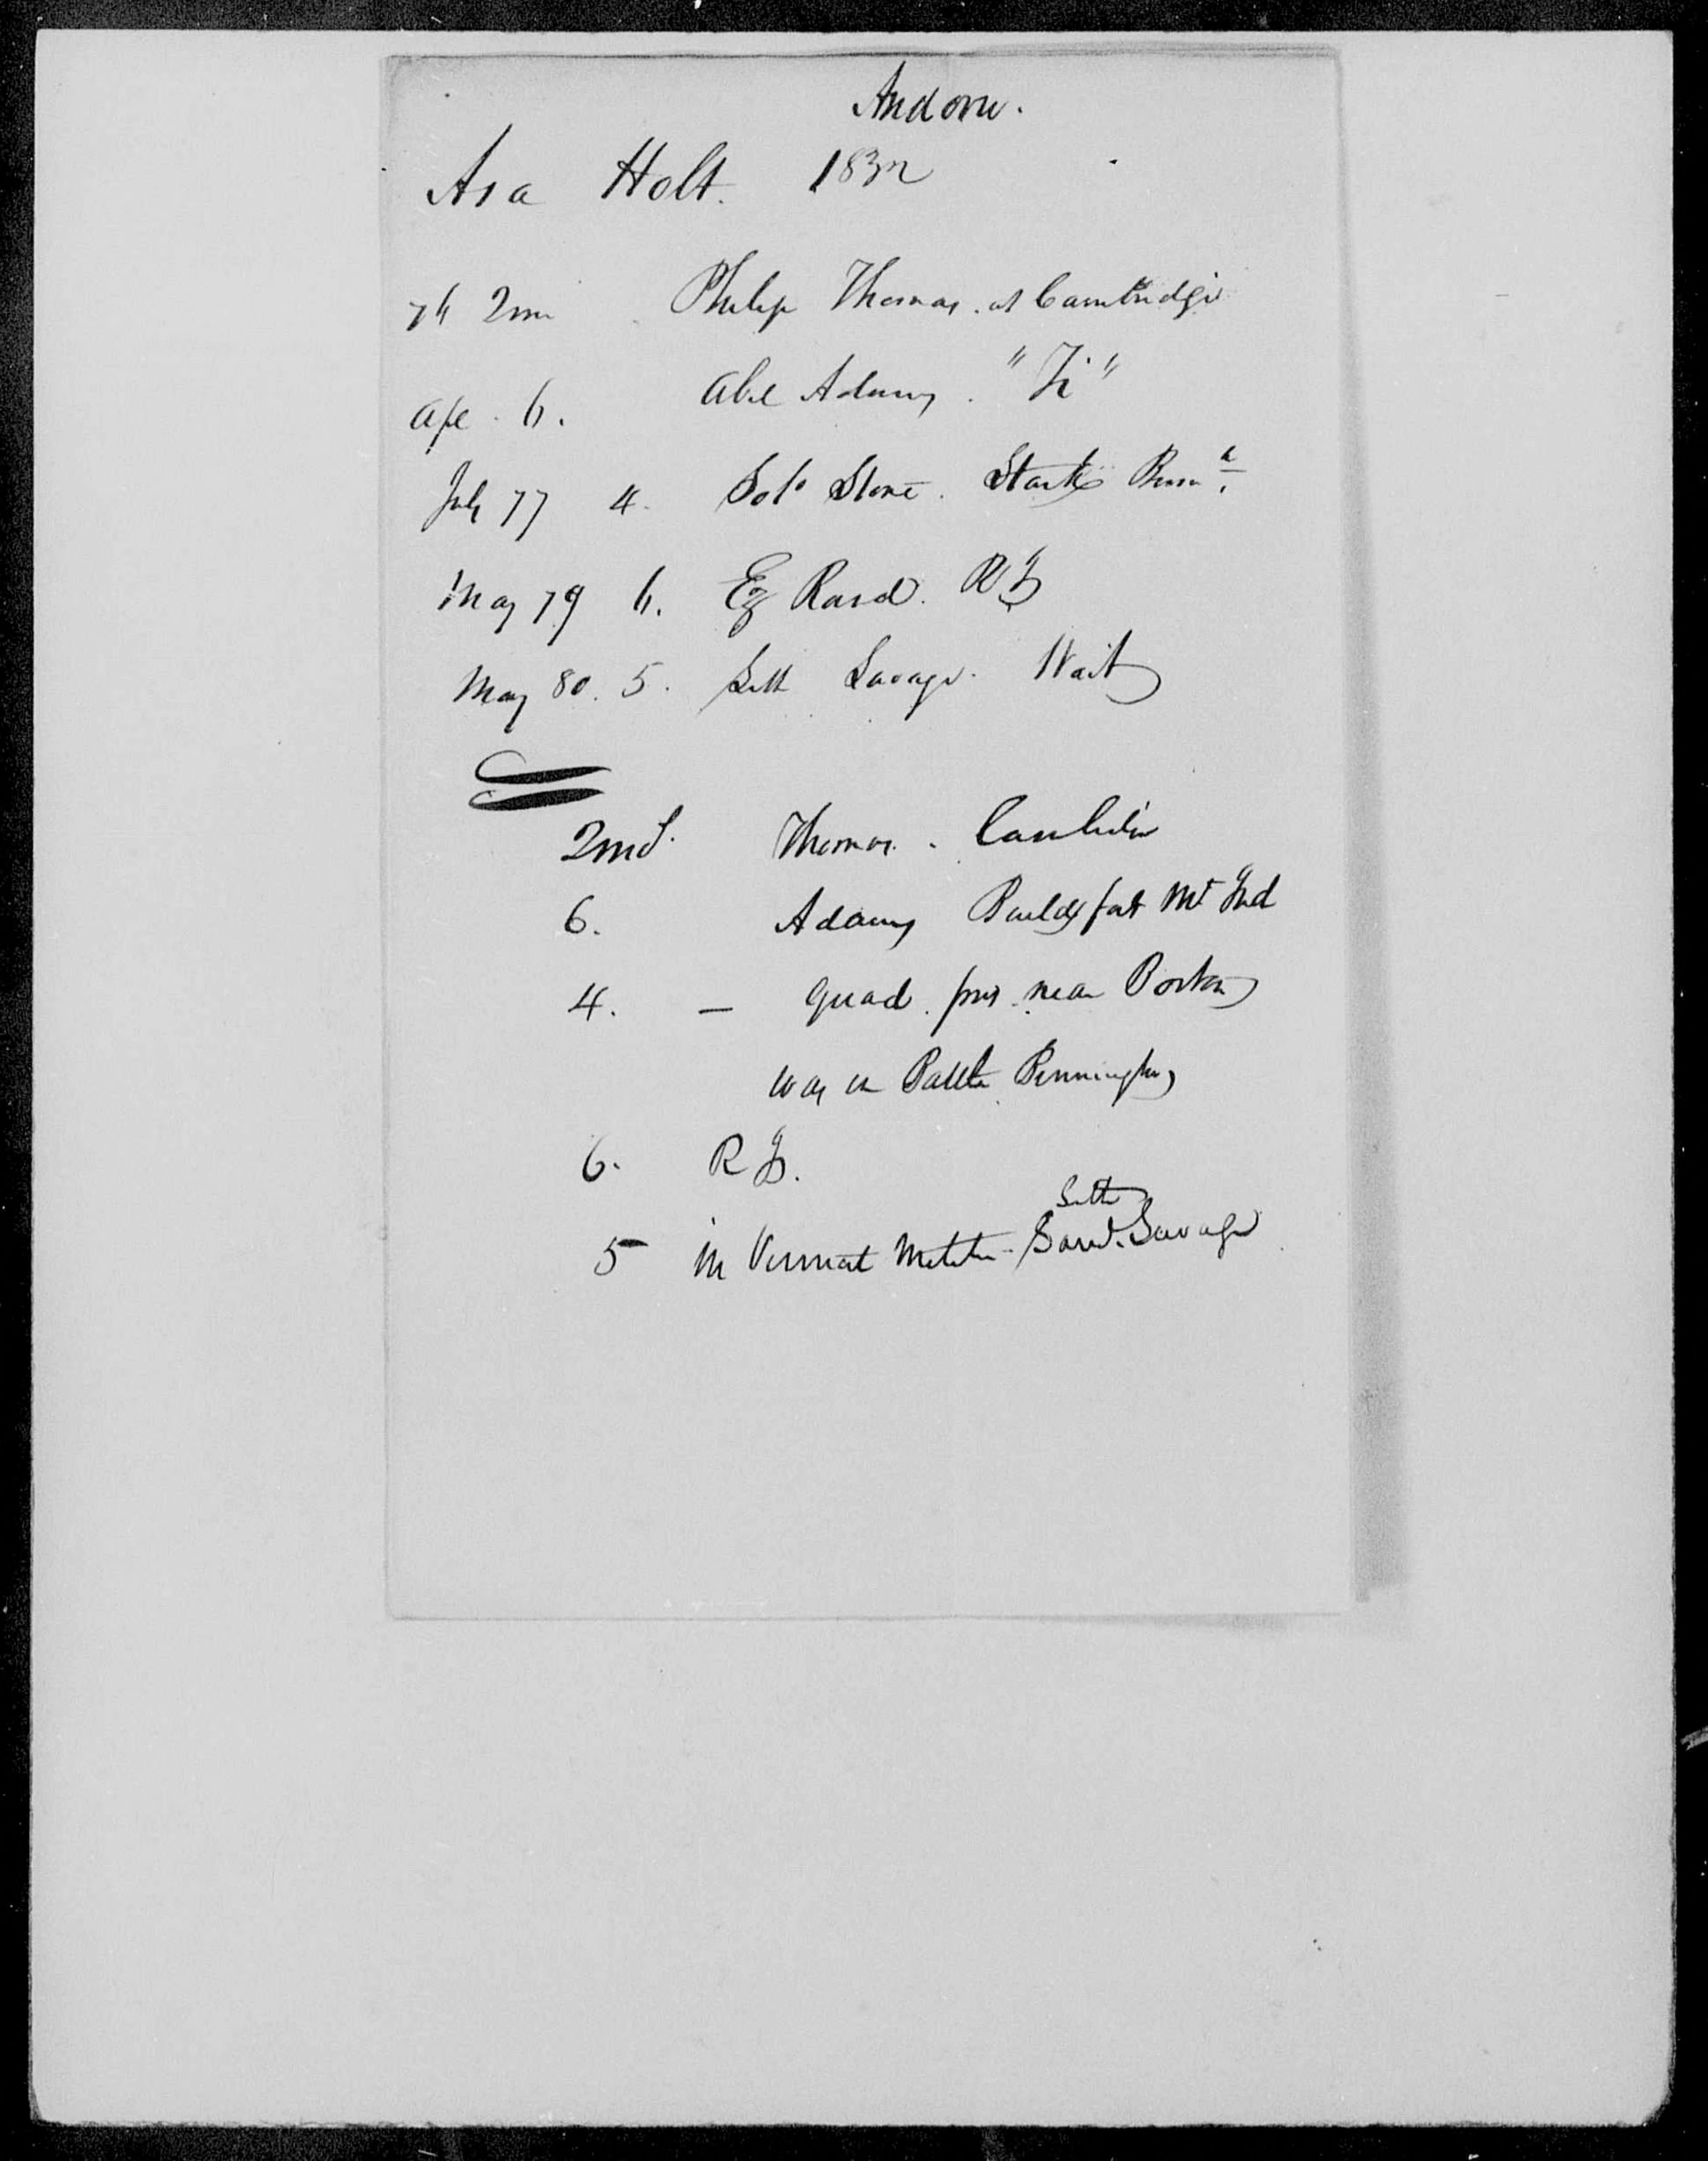Asa Holt
Andon
1832
74 ┃
Philip Thomas at Cambridge
A. 6.
Abe Almy "
Joh 774. Sol Stone
Stack Remt
May 196. E Rard R
May 80. 5. Sell Savage Wait
and
Thomas
land
Adams
Build for Mr and
Guad pres near Forks
was in battle Bennigh
R J.
Sith
in Vernal with and Sarah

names: Philip Thomas, Ez Raid, Thomas, Saml Savage, Abe Adams, Asa Holt, Solo Stone, Gnad, Adams, Seth Savage Wait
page: 10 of 24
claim: rejected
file: R. 5180, Asa Holt, Mass. Vt.